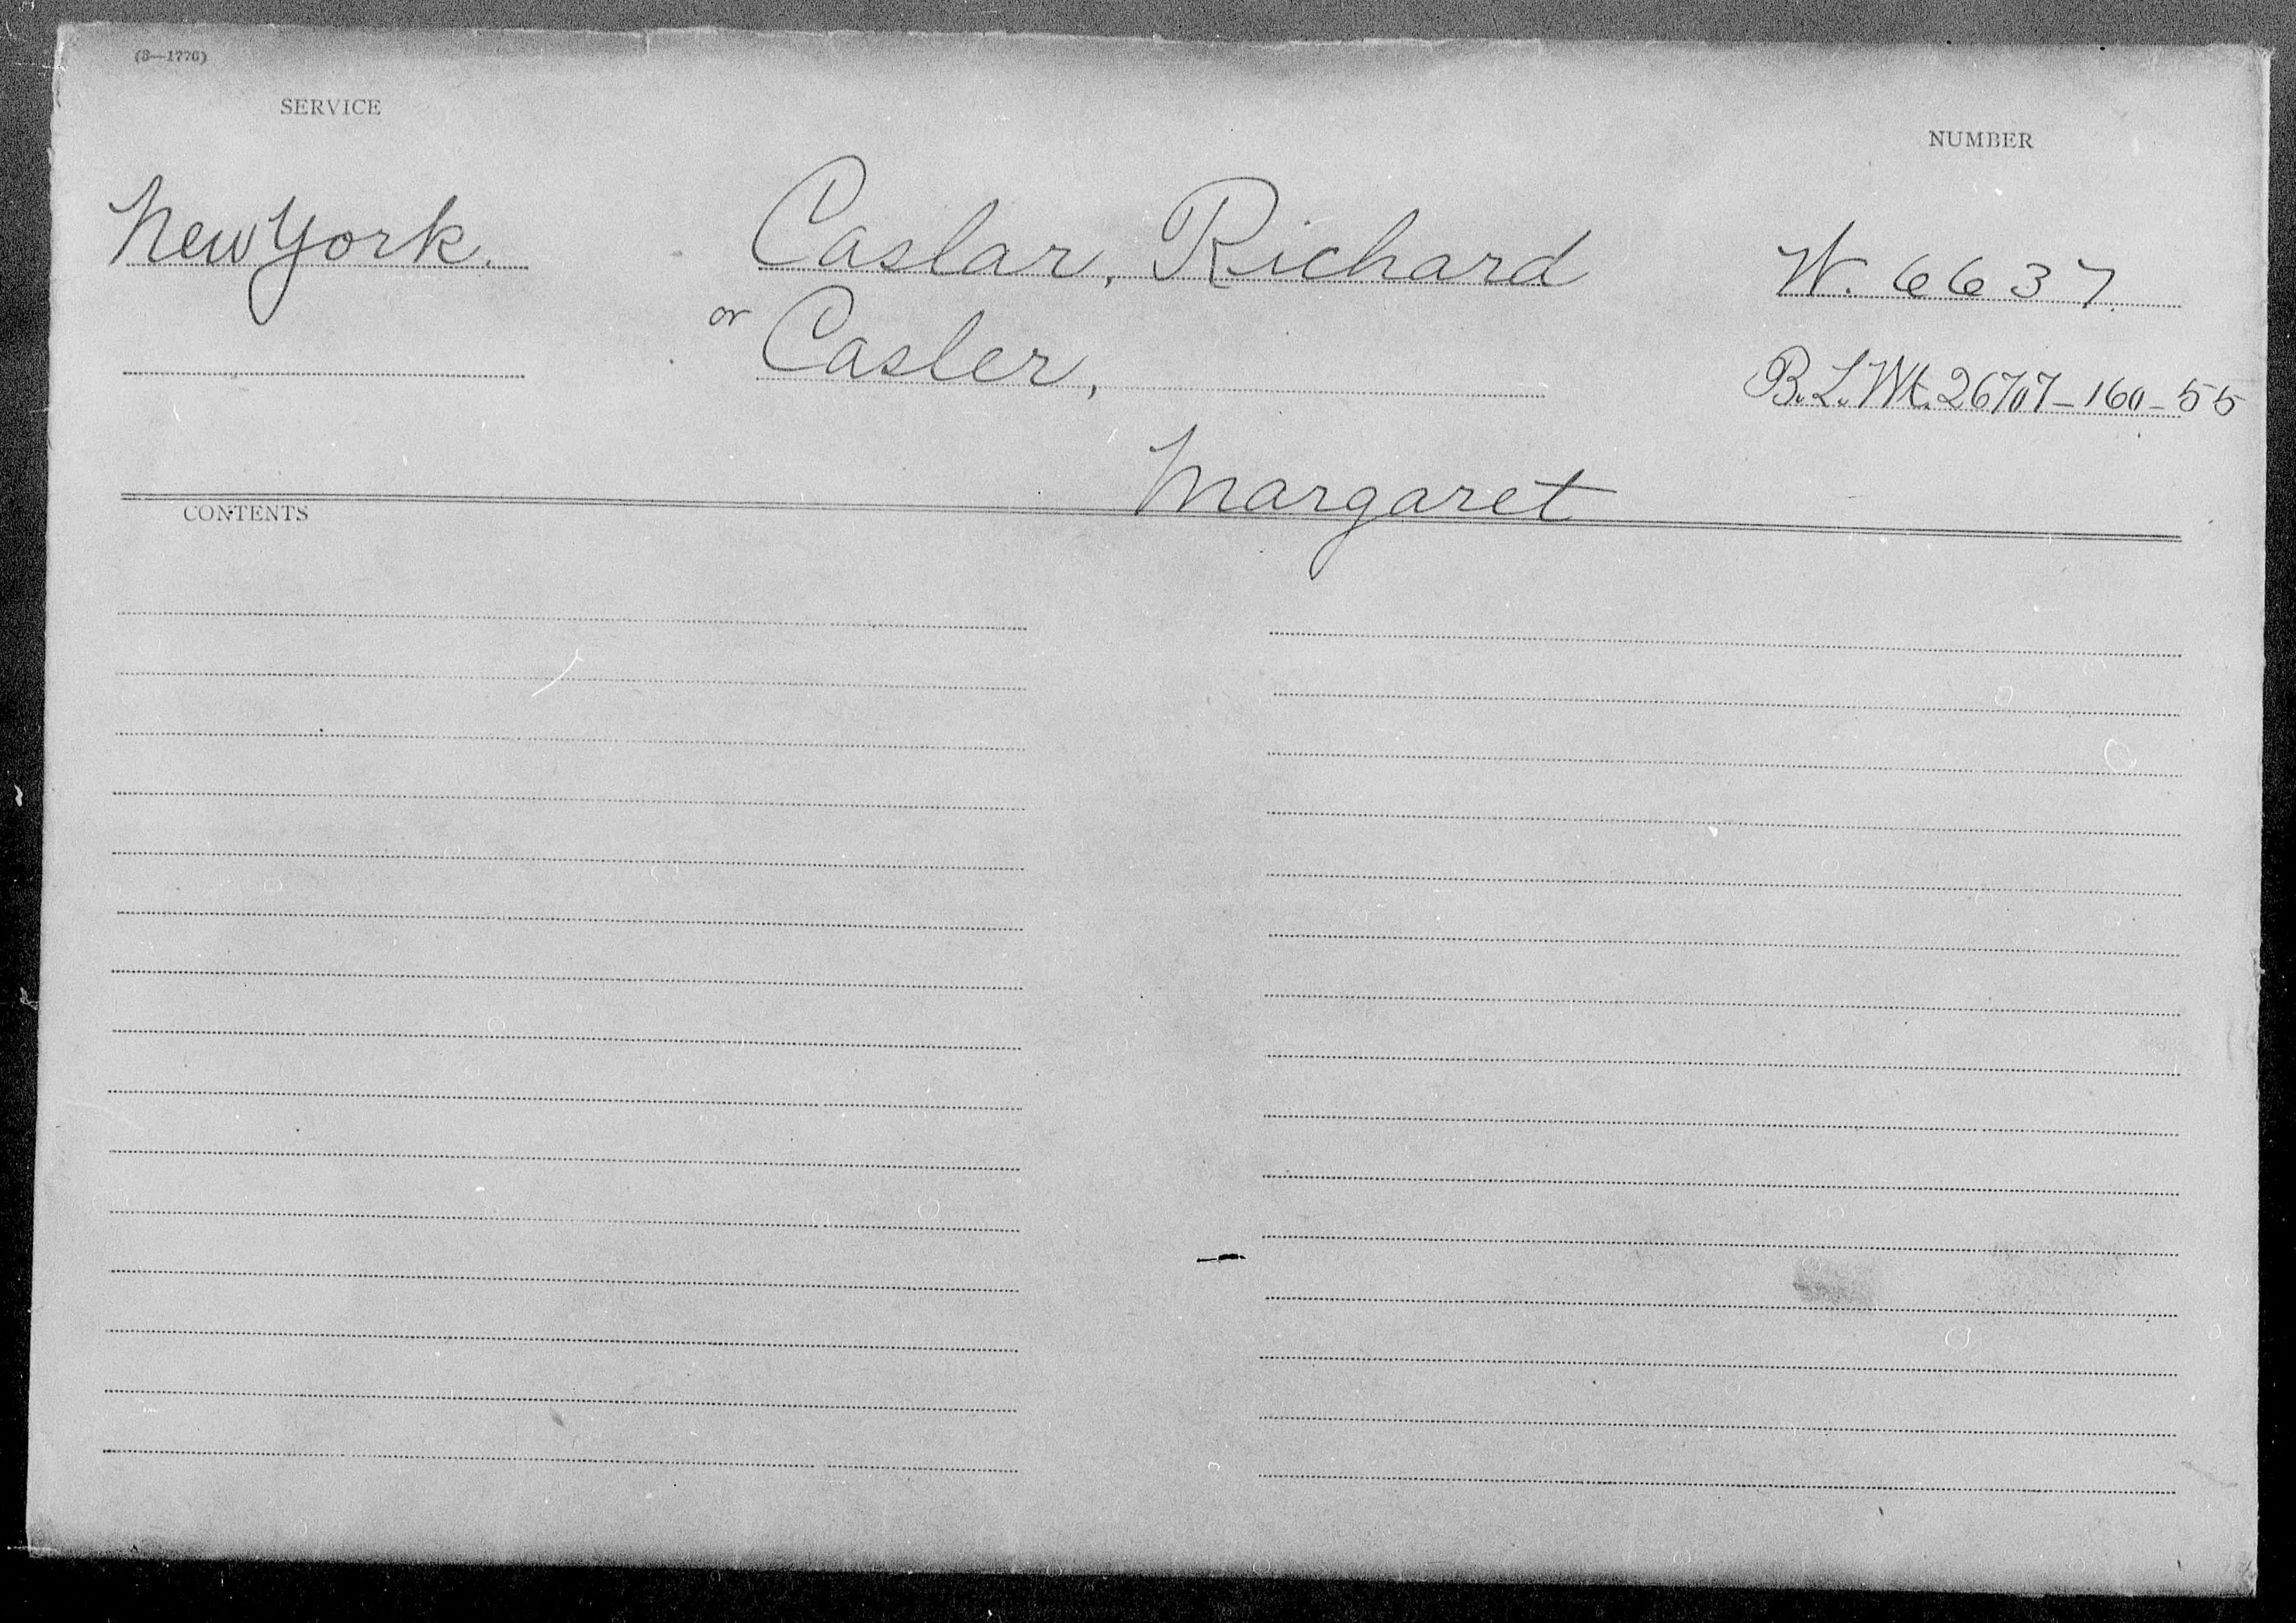(3-1776) 

SERVICE 
New York 

Caslar, Richard 
or Casler, 
Margaret 

NUMBER 
W. 6637 
B.L.Wt. 26707-160-55 

CONTENTS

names: Richard Casler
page: 1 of 66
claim: widow's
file: W. 6637, Richard Caslar, New York